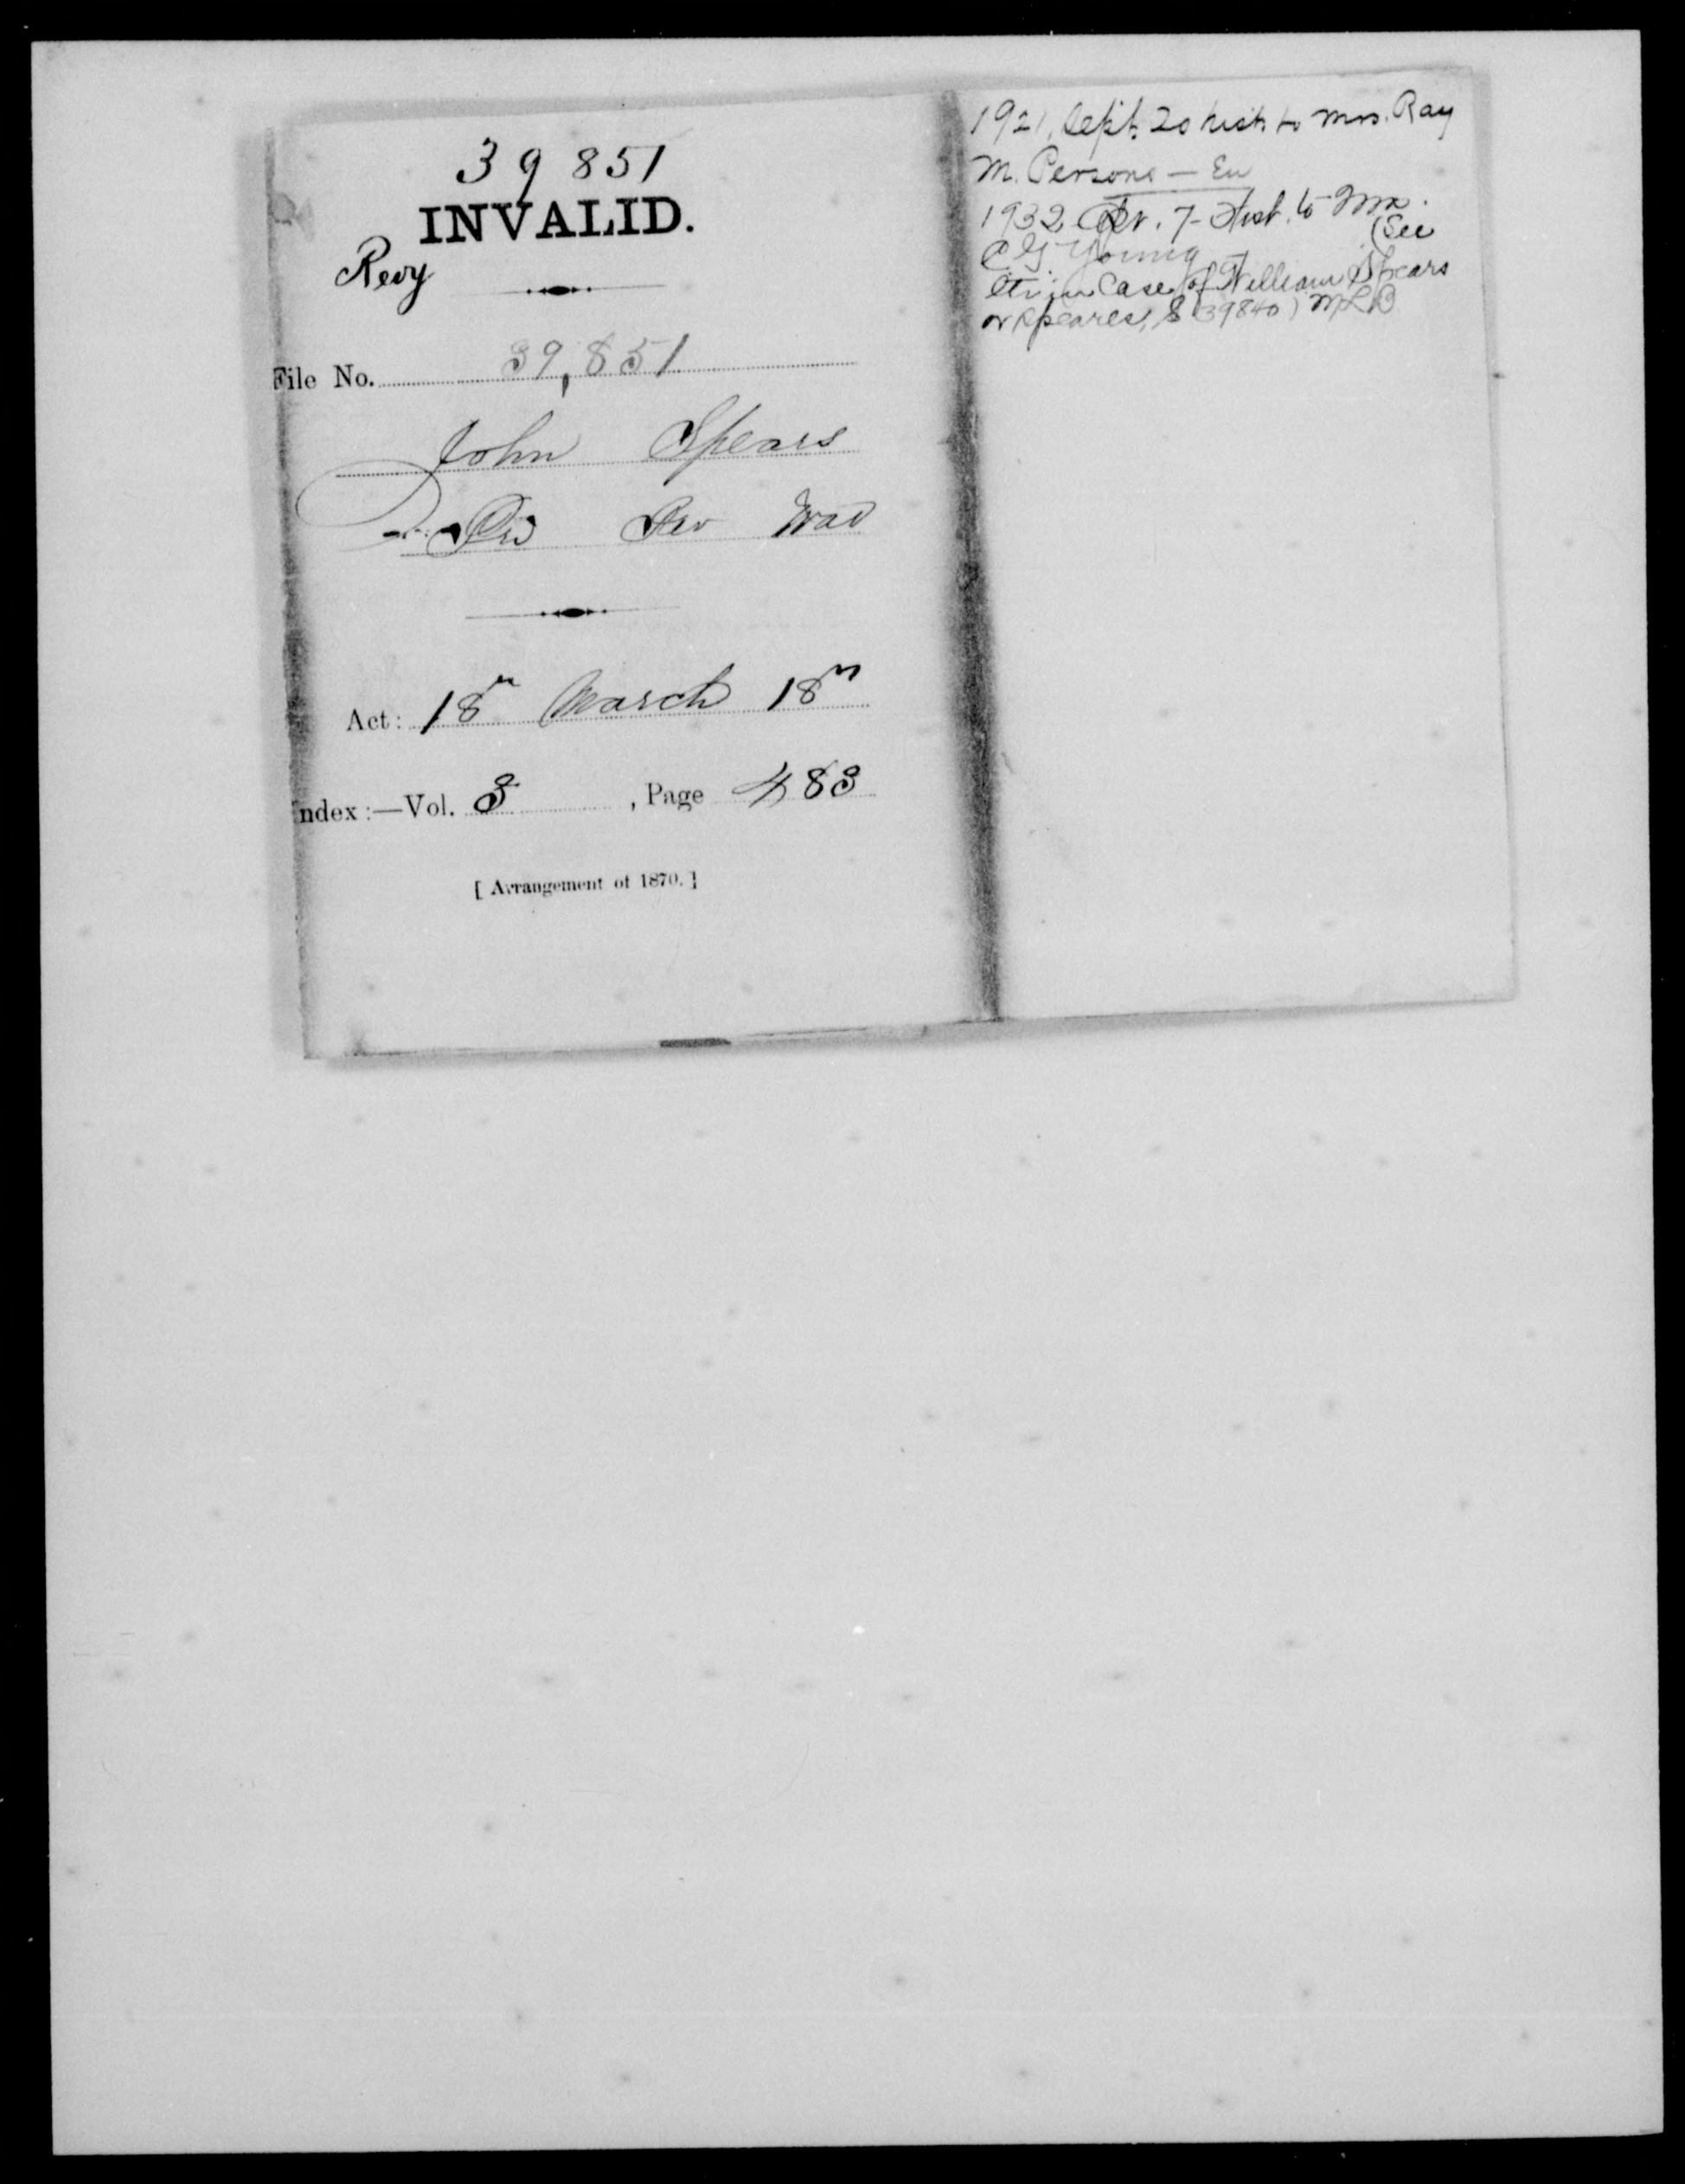39851
INVALID
Revy
File No. 39851
John Spears
Priv Rev War
Act: 18th March 18
Index - Vol 3 Page 483

1921 Sept 20 hist to Mrs Ray M Persons - En
1932 Apr 7 - Hist to Mrs C. G Young (See (?) case of william Spears or Speares, S39840) MLB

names: John Spears; C G Young; William Spears; Ray M Persons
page: 2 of 12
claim: survivor's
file: S. 39851, for John Spears, Virginia